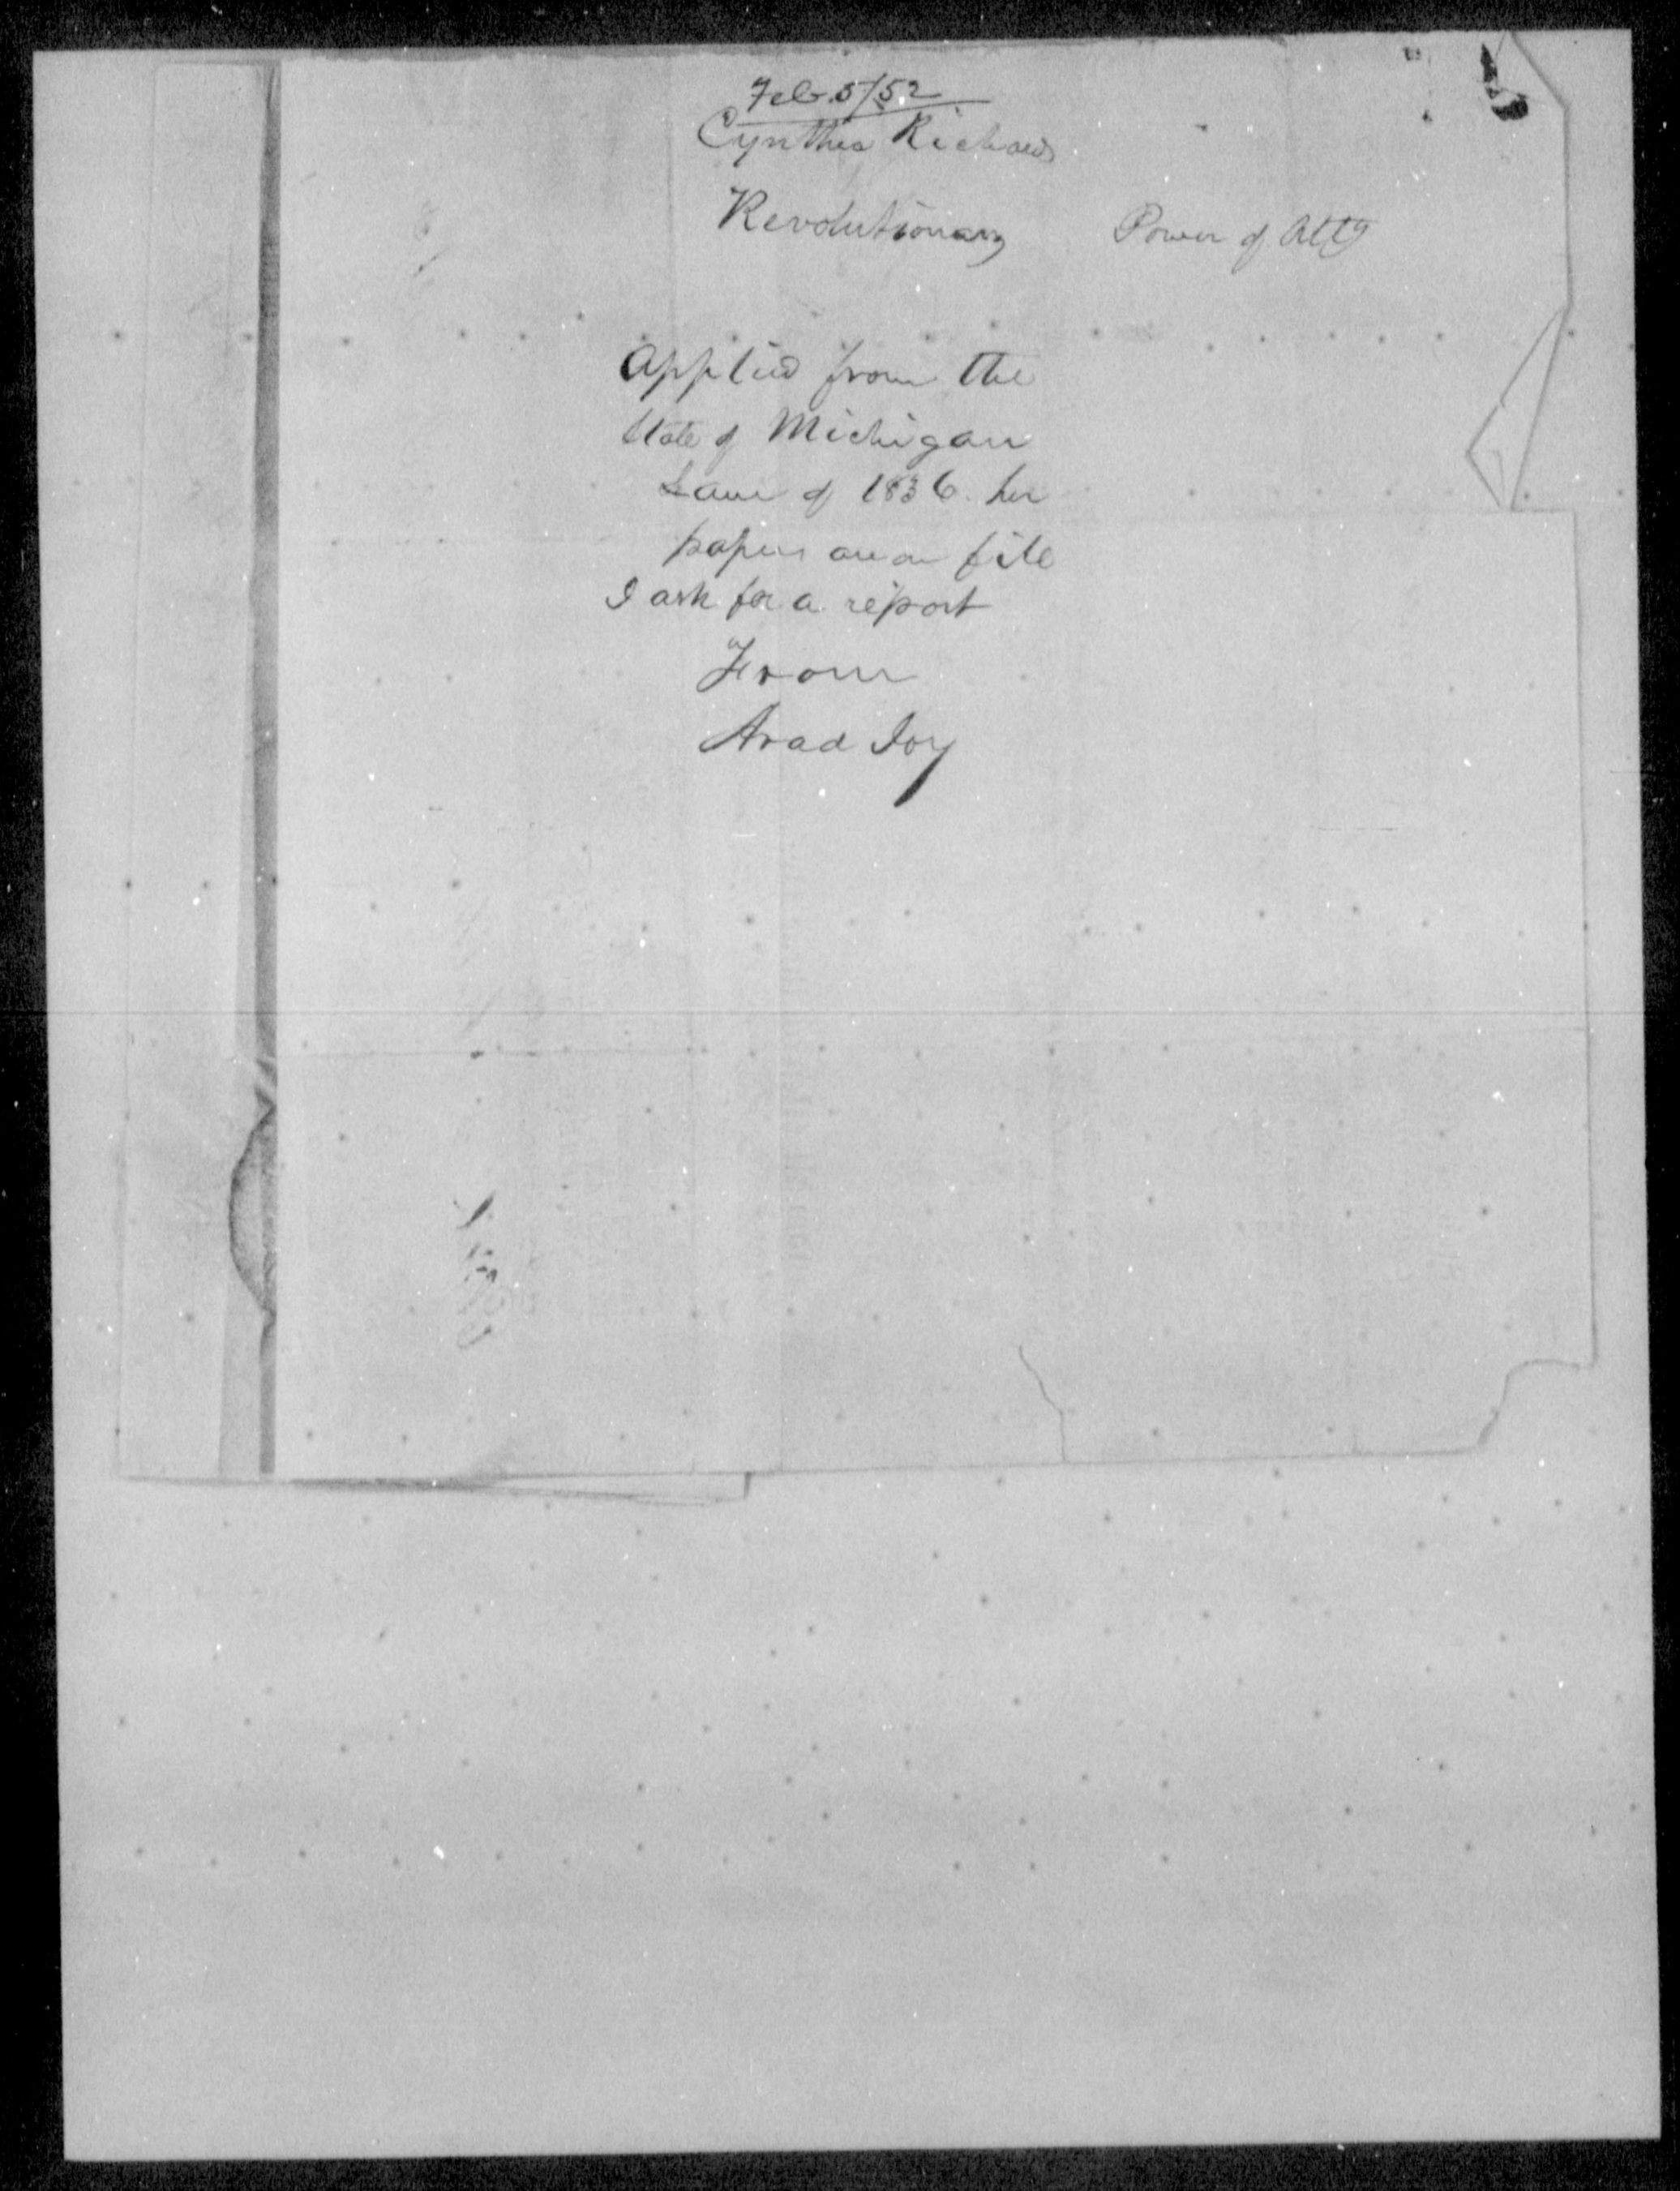Feb. 6 [18]/52
Cynthia Richards
Revolutionary Power of Atty [ATTORNEY]
applied from the State of Michigan Law of 1836 her papers are on file
I ask for a report
From
Arad Joy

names: Cynthia Richards; Arad Joy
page: 20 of 109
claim: widow's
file: W. 5709, for Thomas Richards, New Hampshire